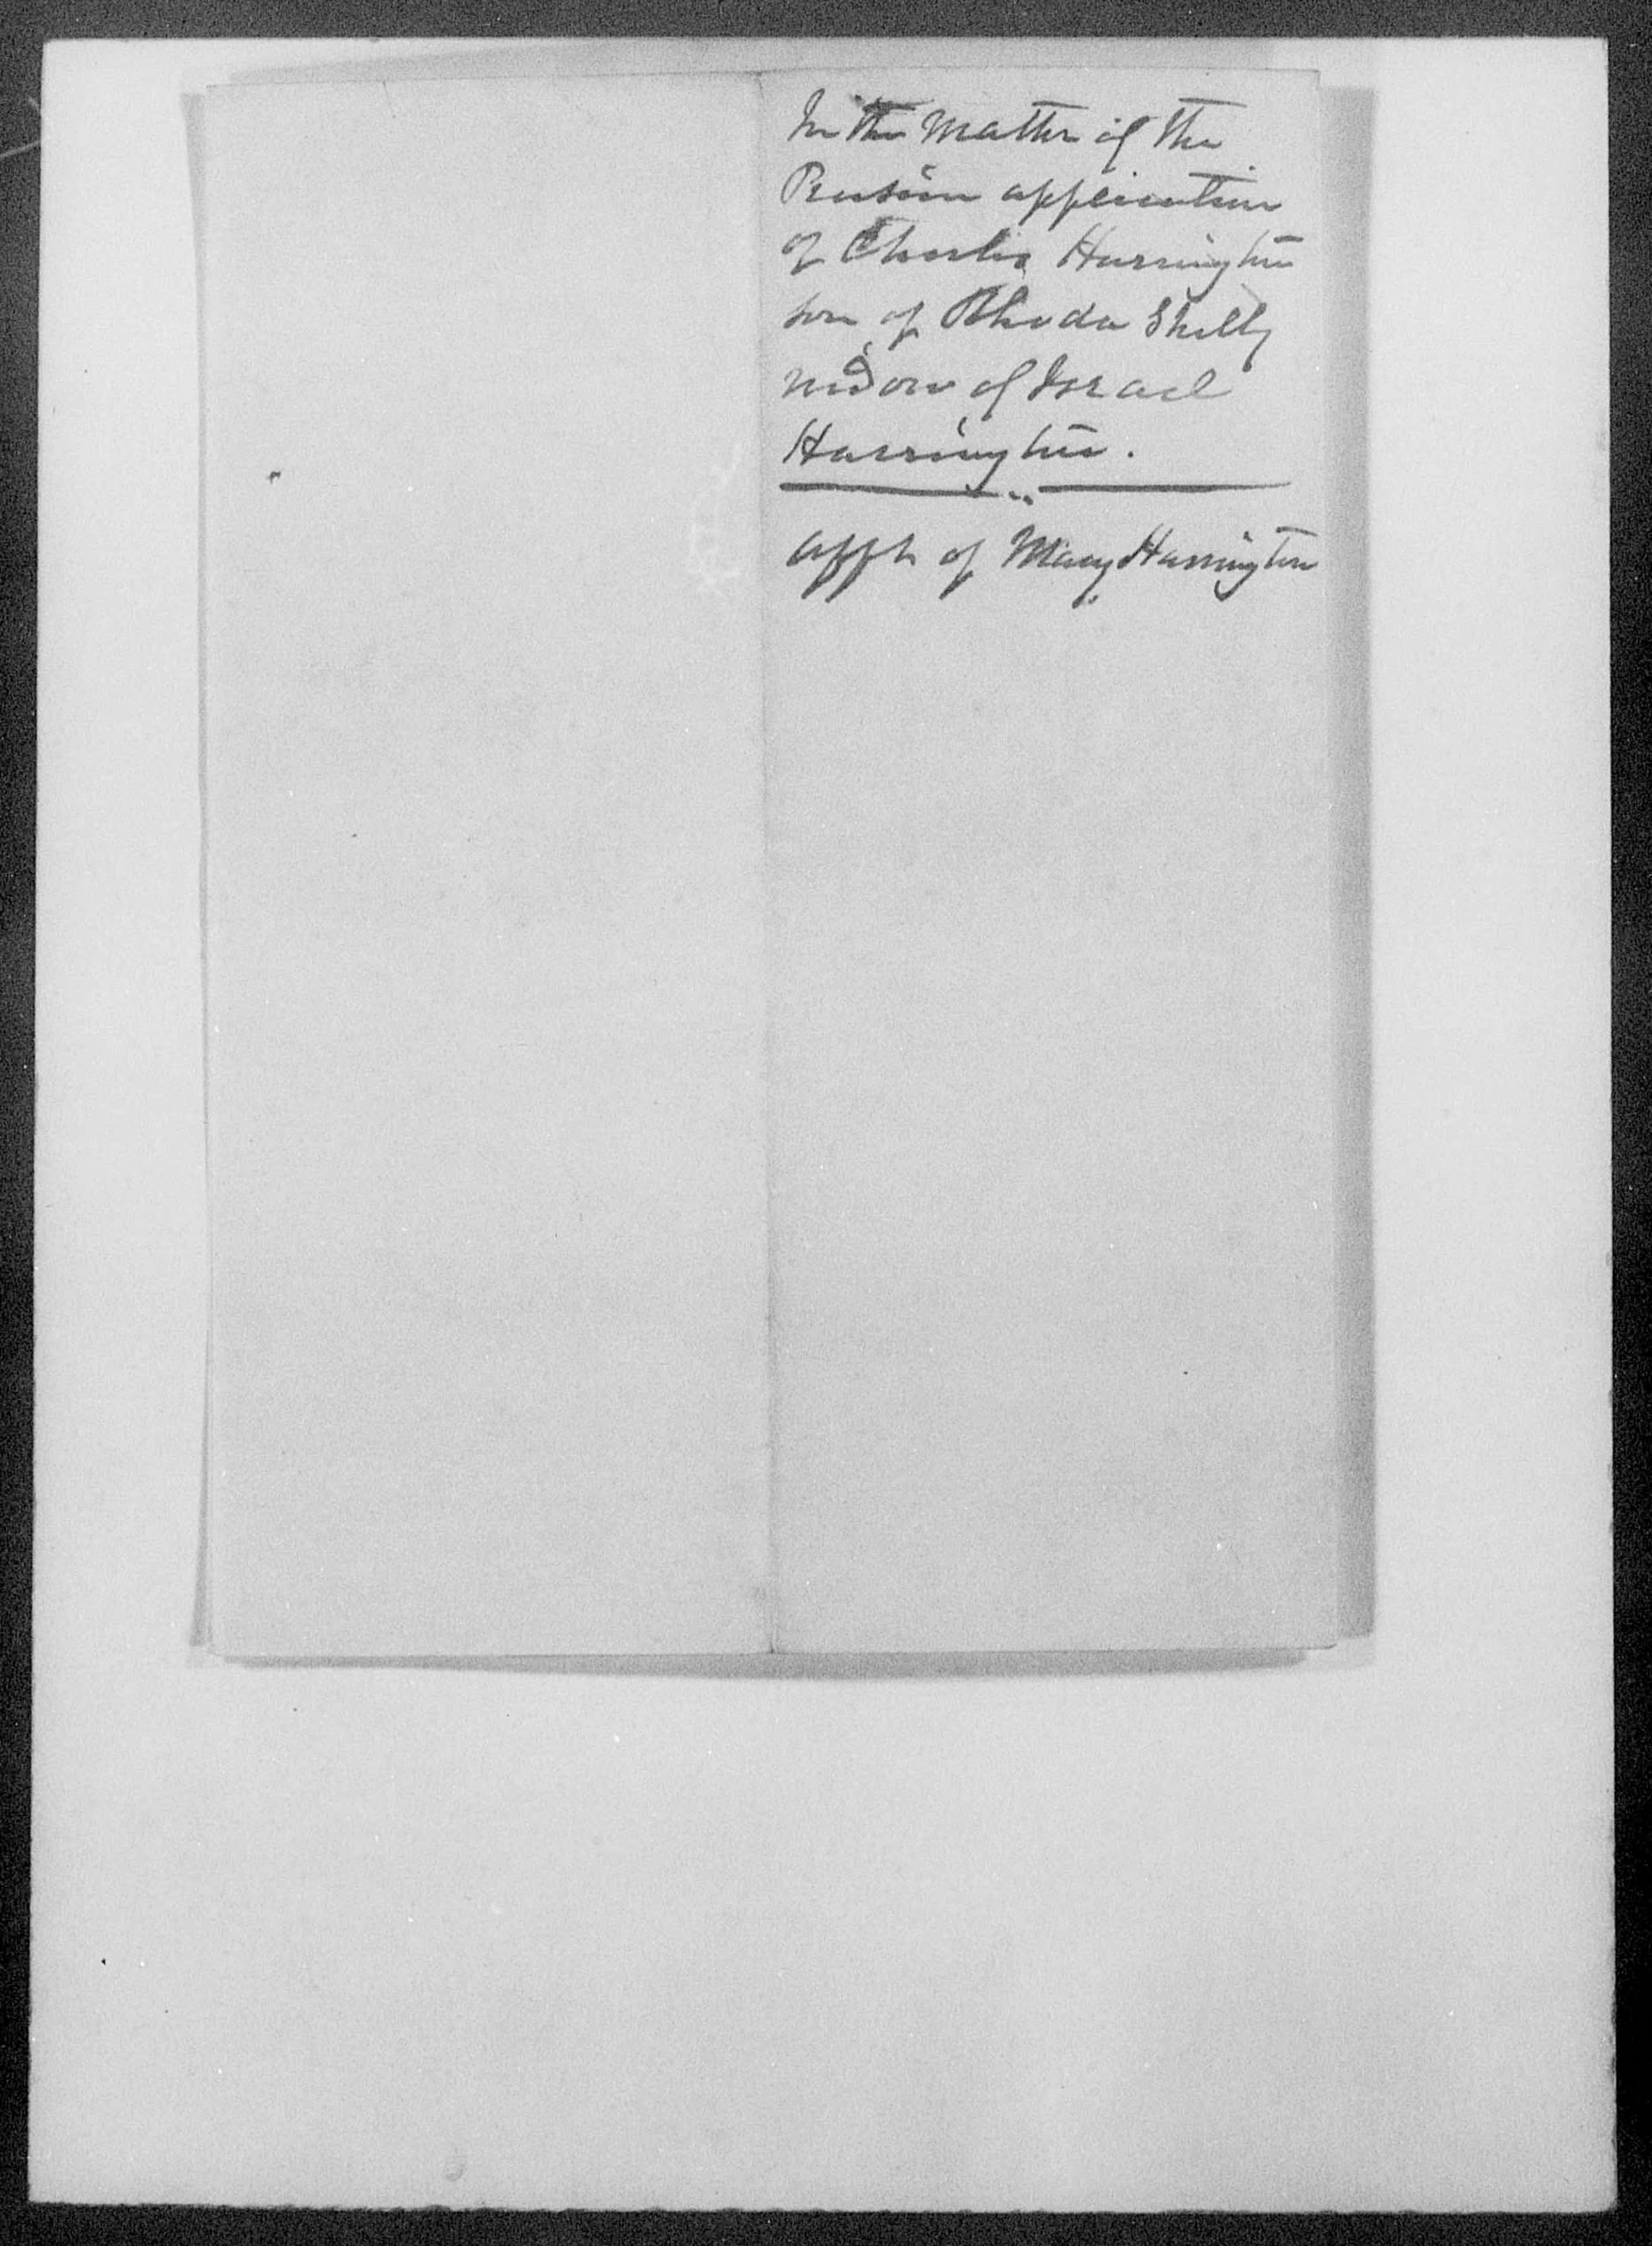In the Matter of the Pension application of Charles Harrington son of Rhoda Shelly widow of Israel Harrington.

afft [affidavit] of Mary Harrington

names: Charles Harrington, Mary Harrington, Rhoda Shelly, Israel Harrington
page: 40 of 51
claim: widow's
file: W. 19,026, Israel Harrington, R.I.